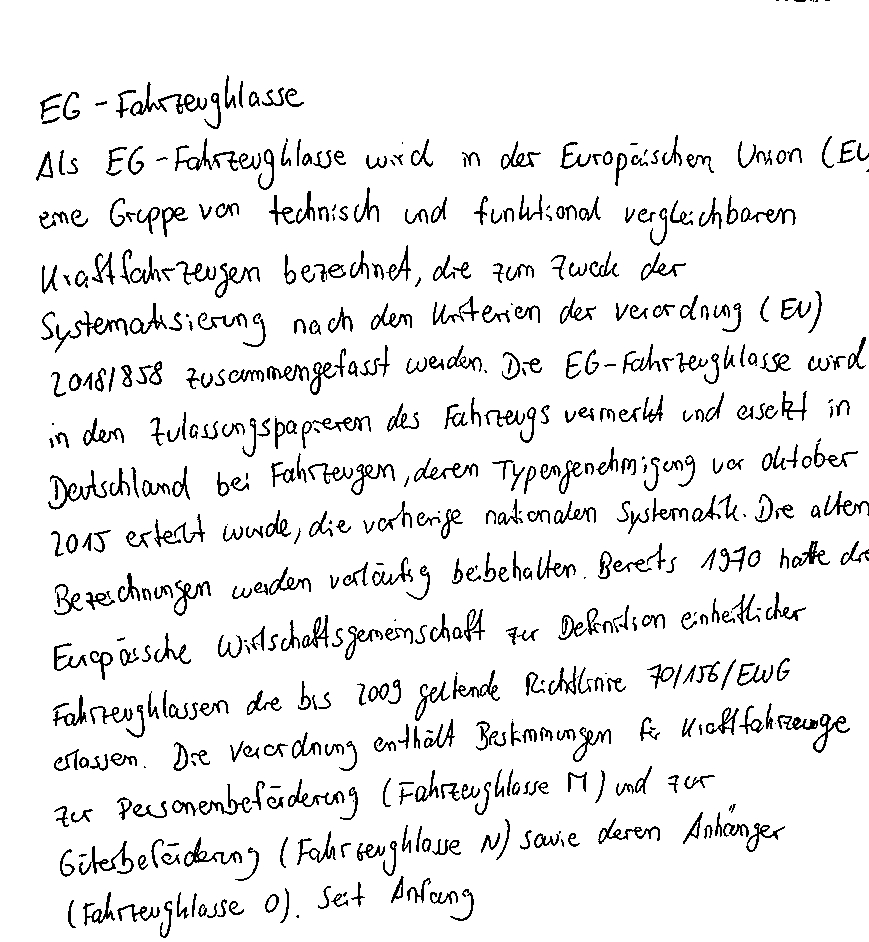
EG-Fahrzeugklasse
Als EG-Fahrzeugklasse wird in der Europäischen Union (EU
eine Gruppe von technisch und funktional vergleichbaren
Kraftfahrzeugen bezeichnet, die zum Zweck der
Systematisierung nach den Kriterien der Verordnung (EU)
2018/858 zusammengefasst werden. Die EG-Fahrzeugklasse wird
in den Zulassungspapieren des Fahrzeugs vermerkt und ersetzt in
Deutschland bei Fahrzeugen, deren Typengenehmigung vor Oktober
2015 erteilt wurde, die vorherige nationalen Systematik. Die alten
Bezeichnungen werden vorläufig beibehalten.Bereits 1970 hatte die
Europäische Wirtschaftsgemeinschaft zur Definition einheitlicher
Fahrzeugklassen die bis 2009 geltende Richtlinie 70/156/EWG
erlassen. Die Verordnung enthält Bestimmungen für Kraftfahrzeuge
zur Personenbeförderung (Fahrzeugklasse M) und zur
Güterbeförderung (Fahrzeugklasse N) sowie deren Anhänger
(Fahrzeugklasse O).Seit Anfang
